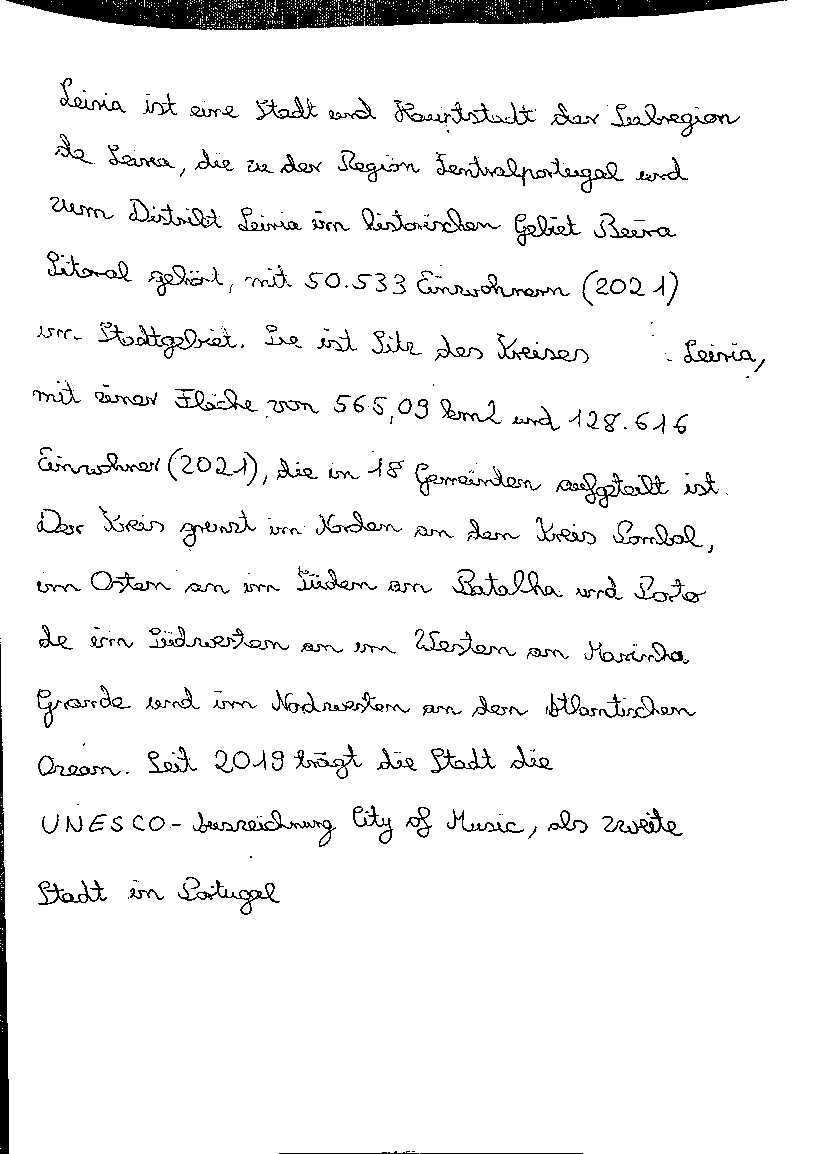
Leiria ist eine Stadt und Hauptstadt der Subregion
de Leiria, die zu der Region Zentralportugal und
zum Distrikt Leiria im historischen Gebiet Beira
Litoral gehört, mit 50.533 Einwohnern (2021)
im Stadtgebiet Sie ist Sitz des Kreises Leiria,
mit einer Fläche von 565,09 km2 und 128.616
Einwohner (2021), die in 18 Gemeinden aufgeteilt ist
Der Kreis grenzt im Norden an den Kreis Pombal
im Osten an im Süden an Batalha und Porto
de im Südwesten an im Westen an Marinha
Grande und im Nordwesten an den Atlantischen
Ozean. Seit 2019 trägt die Stadt die
UNESCO-Auszeichnung City of Music, als zweite
Stadt in Portugal
